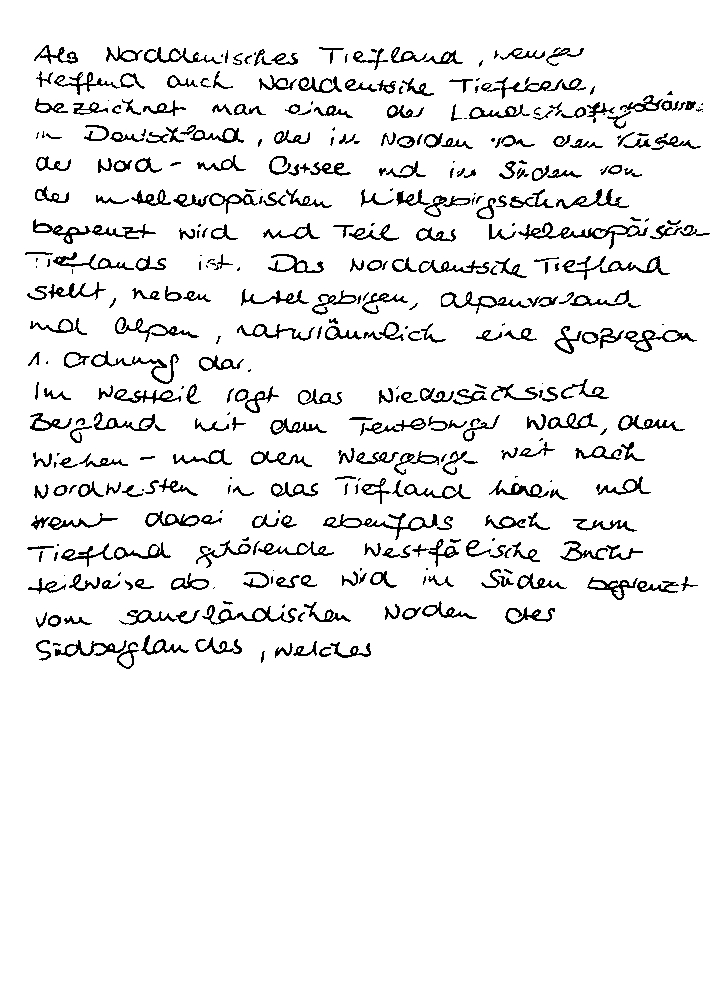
Als Norddeutsches Tiefland, weniger
treffend auch Norddeutsche Tiefebene,
bezeichnet man einen der Landschaftsgroßräume
in Deutschland, der im Norden von den Küsten
der Nord- und Ostsee und im Süden von
der mitteleuropäischen Mittelgebirgsschwelle
begrenzt wird und Teil des Mitteleuropäischen
Tieflands ist. Das Norddeutsche Tiefland
stellt, neben Mittelgebirgen, Alpenvorland
und Alpen, naturräumlich eine Großregion
1. Ordnung dar.
Im Westteil ragt das Niedersächsische
Bergland mit dem Teutoburger Wald, dem
Wiehen- und dem Wesergebirge weit nach
Nordwesten in das Tiefland hinein und
trennt dabei die ebenfalls noch zum
Tiefland gehörende Westfälische Bucht
teilweise ab. Diese wird im Süden begrenzt
om sauerländischen Norden des
Süderberglandes, welches
